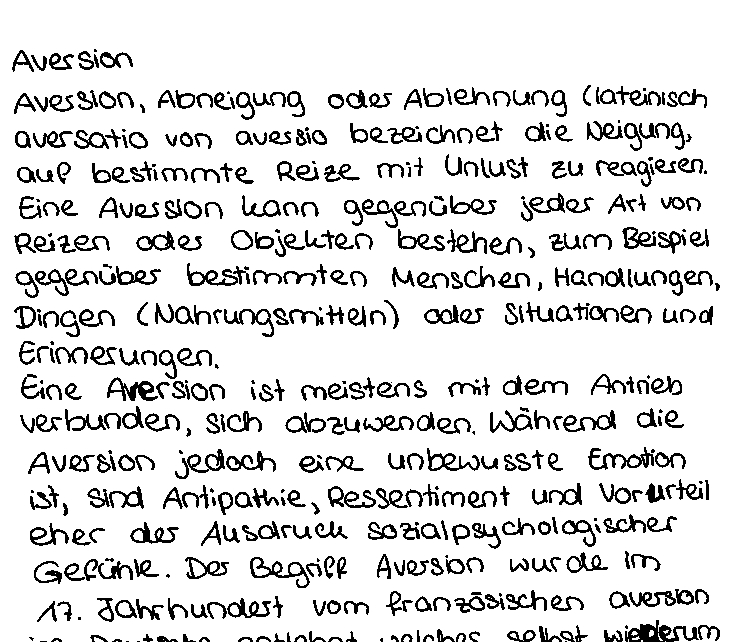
Aversion
Aversion, Abneigung oder Ablehnung (lateinisch
aversatio von aversio bezeichnet die Neigung,
auf bestimmte Reize mit Unlust zu reagieren.
Eine Aversion kann gegenüber jeder Art von
Reizen oder Objekten bestehen, zum Beispiel
gegenüber bestimmten Menschen, Handlungen,
Dingen (Nahrungsmitteln) oder Situationen und
Erinnerungen.
Eine Aversion ist meistens mit dem Antrieb
verbunden, sich abzuwenden. Während die
Aversion jedoch eine unbewusste Emotion
ist, sind Antipathie, Ressentiment und Vorurteil
eher der Ausdruck sozialpsychologischer
Gefühle. Der Begriff Aversion wurde im
17. Jahrhundert vom französischen aversion
